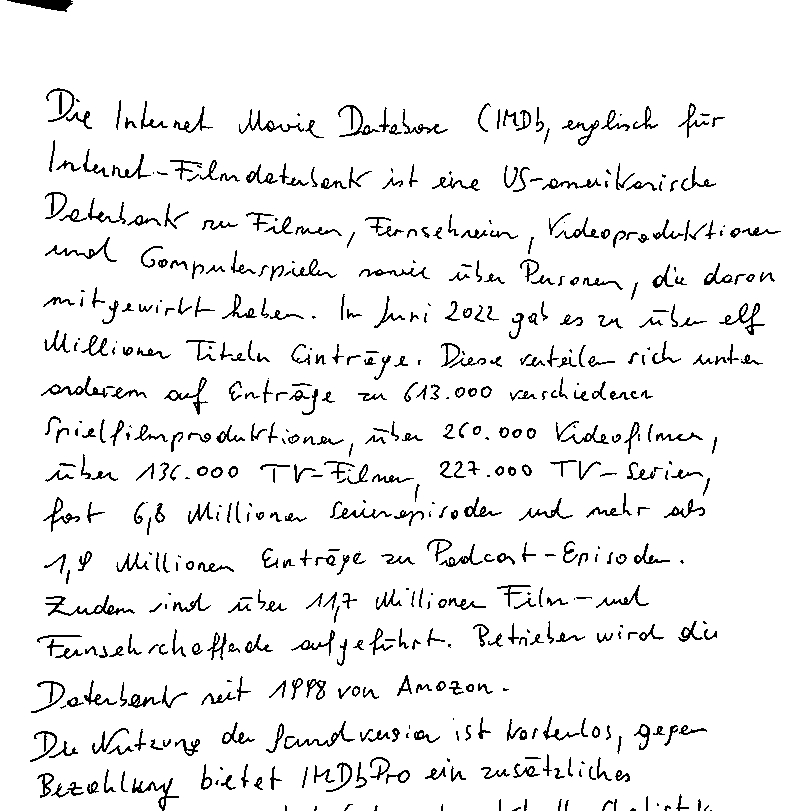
Die Internet Movie Database (IMDb, englisch für
Internet-Filmdatenbank) ist eine US-amerikanische
Datenbank zu Filmen, Fernsehserien, Videoproduktionen
und Computerspielen sowie über Personen, die daran
mitgewirkt haben. Im Juni 2022 gab es zu über elf
Millionen Titeln Einträge. Diese verteilen sich unter
anderem auf Einträge zu 613.000 verschiedenen
Spielfilmproduktionen, über 260.000 Videofilmen,
über 136.000 TV-Filmen, 227.000 TV-Serien,
fast 6,8 Millionen Serienepisoden und mehr als
1,9 Millionen Einträge zu Podcast-Episoden.
Zudem sind über 11,7 Millionen Film- und
Fernsehschaffende aufgeführt. Betrieben wird die
Datenbank seit 1998 von Amazon.
Die Nutzung der Grundversion ist kostenlos, gegen
Bezahlung bietet IMDbPro ein zusätzliches
